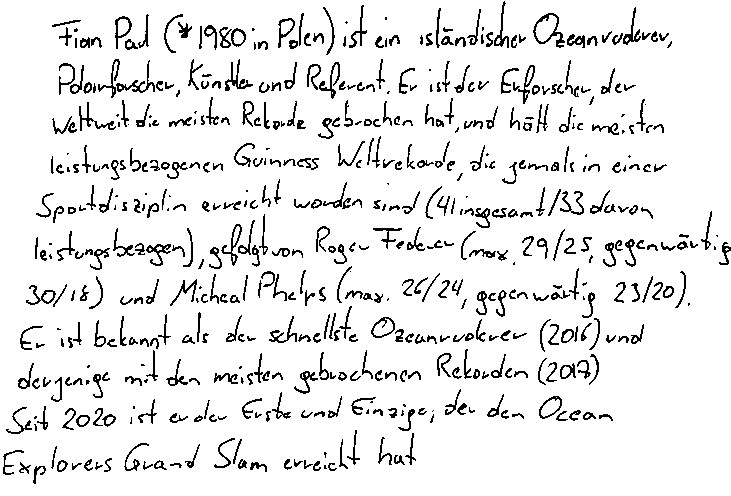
Fiann Paul (* 1980 in Polen) ist ein isländischer Ozeanruderer,
Polarforscher, Künstler und Referent. Er ist der Erforscher, der
weltweit die meisten Rekorde gebrochen hat, und hält die meisten
leistungsbezogenen Guinness Weltrekorde, die jemals einer
Sportdisziplin erreicht worden sind (41 insgesamt / 33 davon
leistungsbezogen), gefolgt von Roger Federer (max. 29 / 25, gegenwärtig
30 / 18) und Michael Phelps (max. 26 / 24, gegenwärtig 23/ 20).
Er ist bekannt als der schnellste Ozeanruderer (2016) und
derjenige mit den meisten gebrochenen Rekorden (2017)
Seit 2020 ist er der Erste und Einzige, der den Ocean
Explorers Grand Slam erreicht hat
